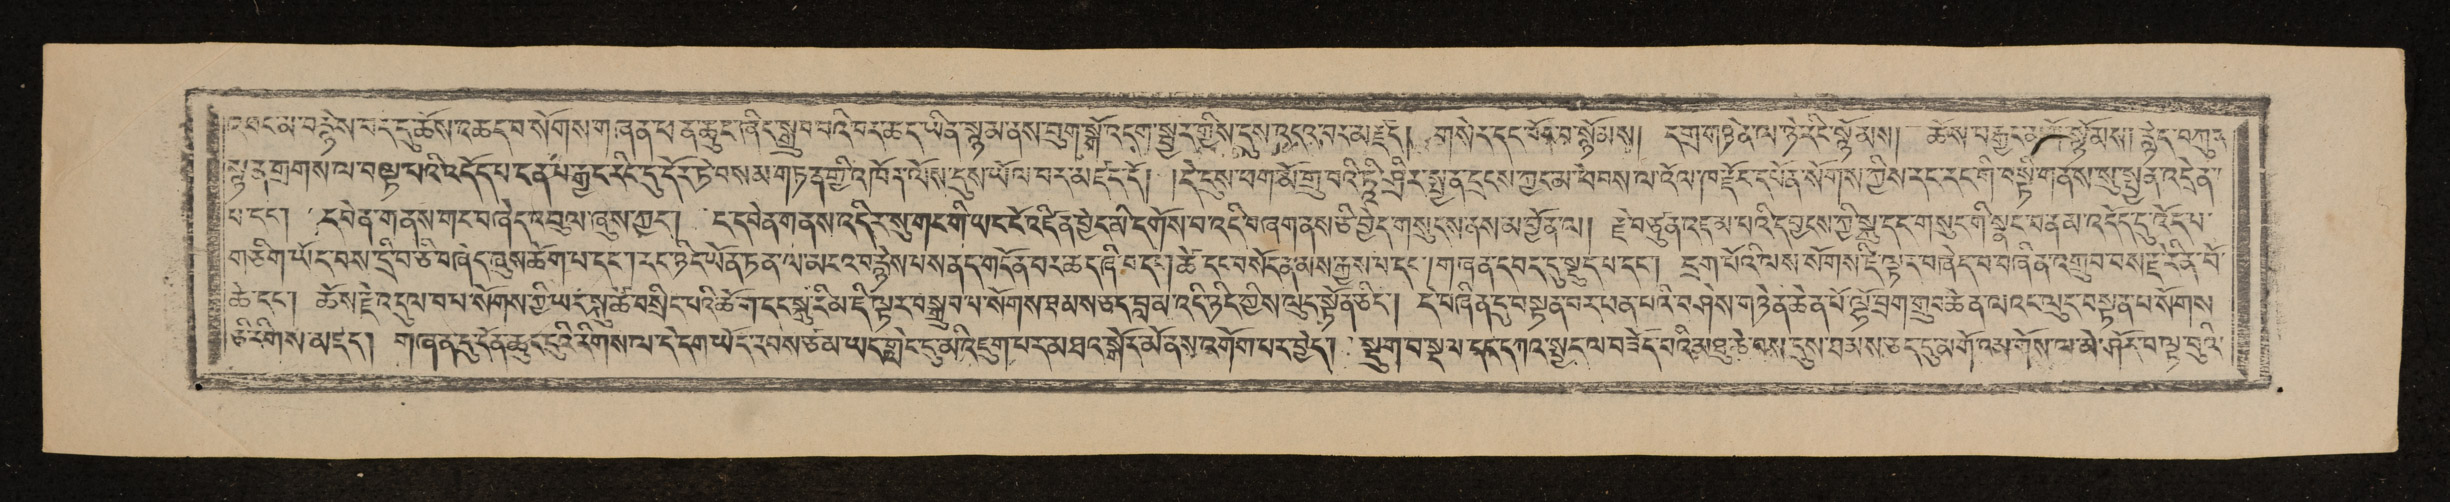འཕང་མ་བརྙེས་པར་དུ་ཆོས་འཆད་པ་སོགས་གཞན་ཕན་ཆུང་ཞིང་སྒྲུབ་པའི་བར་ཆད་ཡིན་སྙམ་ནས་བུག་སྒོ་འདག་སྦྱར་གྱིས་དུས་འདའ་བར་མཛད། གསེར་དང་བོང་བསྙོམས། དགྲ་གཉེན་ལ་ཉེ་རིང་སྙོམས། ཆོས་བརྒྱད་མགོ་སྙོམས། རྙེད་བཀུར་
སྙན་གྲགས་ལ་བལྟ་བའི་འདོད་པ་ངན་པ་རྒྱད་རིང་དུ་དོར་ཏེ་བསམ་གཏན་གྱི་འཁོར་ལོས་དུས་ཡོལ་བར་མཛད་དོ། །དེ་དུས་ཕག་མོ་གྲུ་བའི་ཏཱི་ཤྲིར་སྤྱན་དྲངས་ཀྱང་མ་ཕེབས་ལ་འོལ་ཁ་རྫོད་དཔོན་སོགས་ཀྱིས་རང་རང་གི་བསྟི་གནས་སུ་སྤྱན་འདྲེན་
པ་དང་། དབེན་གནས་གང་བཞེད་འབུལ་ཞུས་ཀྱང་། ང་དབེན་གནས་འདིར་སུ་གང་གི་ཡང་ངོ་འཛིན་བྱེད་མི་དགོས་པ་འདི་བཞག་ནས་ཅི་བྱེད་གསུངས་ནས་མ་བྱོན་ལ། རྗེ་བཙུན་འཇམ་པའི་དབྱངས་ཀྱི་སྐུ་དང་གསུང་གི་སྣང་བ་ནམ་འདོད་དུ་འོང་བ་
གཅིག་ཡོད་པས་དྲི་བ་ཅི་བཞེད་ཞུས་ཆོག་པ་དང་། རང་ཉིད་ཡོན་ཏན་ལ་མངའ་བརྙེས་པས་ནད་གདོན་བར་ཆད་ཞི་བ་དང་། ཚེ་དང་བསོད་ནམས་རྒྱས་པ་དང་། གཞན་དབང་དུ་སྡུད་པ་དང་། དྲག་པོའི་ལས་སོགས་ཇི་ལྟར་བཞེད་པ་བཞིན་འགྲུབ་པས་རྗེ་རིན་པོ་
ཆེ་དང་། ཆོས་རྗེ་འདུལ་བ་པ་སོགས་ཀྱི་ཡང་སྐུ་ཚེ་བསྲིང་བའི་ཆོ་ག་དང་སྐུ་རིམ་ཇི་ལྟར་བསྒྲུབ་པ་སོགས་ཐམས་ཅད་བླ་མ་འདི་ཉིད་ཀྱིས་ལུང་སྟོན་ཅིང་། དེ་བཞིན་དུ་བསྟན་པར་ཕན་པའི་བཤེས་གཉེན་ཆེན་པོ་ལྷོ་བྲག་གྲུབ་ཆེན་ལའང་ལུང་བསྟན་པ་སོགས་
ཅི་རིགས་མཛད། གཞན་དུ་དོན་ཆུང་ངུའི་རིགས་ལ་དེ་དག་ཡོད་རབས་ཙམ་ཡང་གླེང་དུ་མི་འཇུག་པར་མཐའ་སྒོར་མོ་ནས་འགོག་པར་བྱེད། སྡུག་བསྔལ་དང་དཀའ་སྤྱད་ལ་བཟོད་པའི་མཐུ་ཆེ་བས་དུས་ཐམས་ཅད་དུ་མགོ་འམ་གོས་ལ་མེ་ཤོར་བ་ལྟ་བུའི་